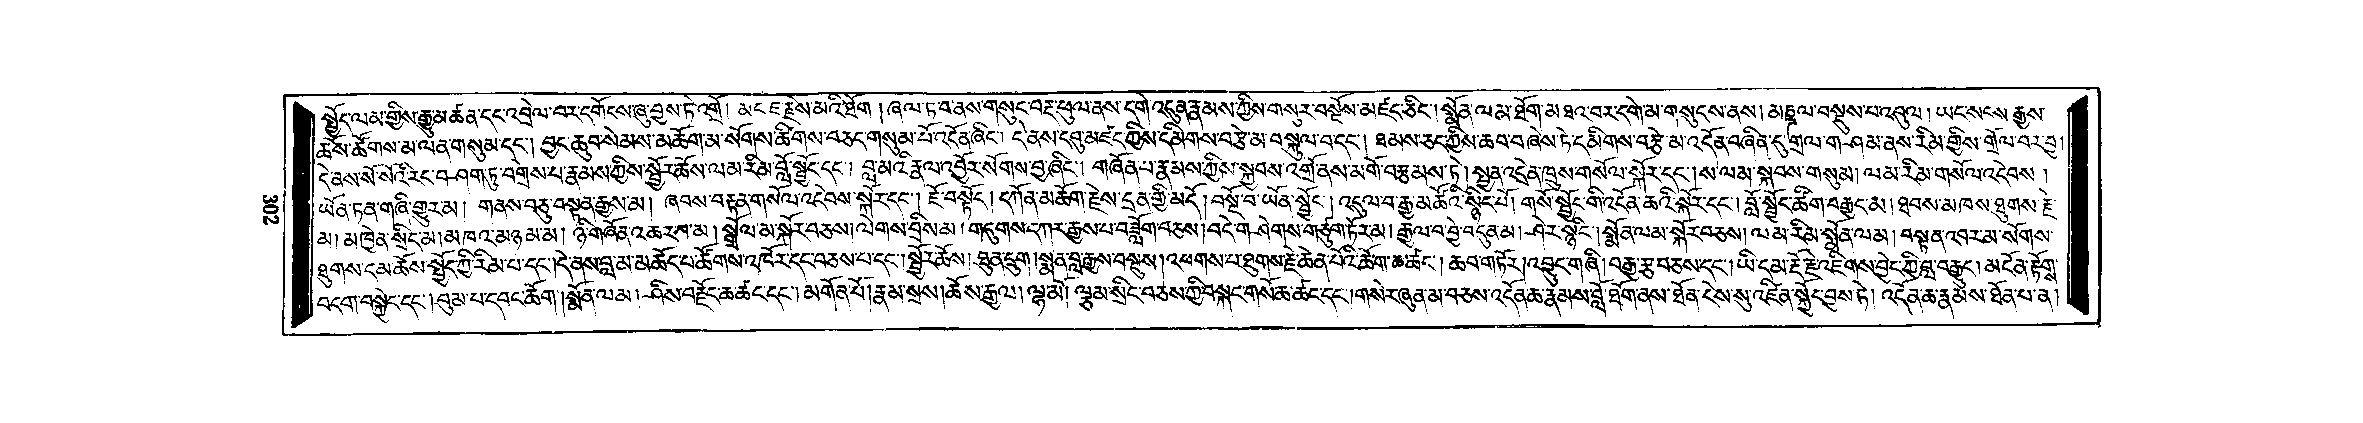སྤྱོད་ལམ་གྱིས་རྒྱུ་མཚན་དང་འབྲེལ་བར་དགོངས་ཞུ་བྱས་ཏེ་འགྲོ། མང་ཇ་རྗེས་མའི་ཐོག །ཞལ་ཏ་བ་ནས་གསུང་བརྡ་ཕུལ་ནས་དགེ་འདུན་རྣམས་ཀྱིས་གསུར་བསྔོས་མཛད་ཅིང་། སྨོན་ལམ་ཐོག་མཐའ་བར་དགེ་མ་གསུངས་ནས། མཎྜལ་བསྡུས་པ་འབུལ། ཡང་སངས་རྒྱས་
ཆོས་ཚོགས་མ་ལན་གསུམ་དང་། བྱང་ཆུབ་སེམས་མཆོག་མ་སོགས་ཚིགས་བཅད་གསུམ་པོ་འདོན་ཞིང་། དེ་ནས་དབུ་མཛད་ཀྱིས་དམིགས་བརྩེ་མ་བསྐུལ་བ་དང་། ཐམས་ཅད་ཀྱིས་ཆབ་བཞེས་ཏེ་དམིགས་བརྩེ་མ་འདོན་བཞིན་དུ་གྲལ་གཤམ་ནས་རིམ་གྱིས་གྲོལ་བར་བྱ།
དེ་ནས་སོ་སོའི་རང་བཤག་ཏུ་བགྲེས་པ་རྣམས་ཀྱིས་སྦྱོར་ཆོས་ལམ་རིམ་བློ་སྦྱོང་དང་། བླ་མའི་རྣལ་འབྱོར་སོགས་བྱ་ཞིང་། གཞོན་པ་རྣམས་ཀྱིས་སྐྱབས་འགྲོ་ནས་མགོ་བརྩམས་ཏེ། སྤྱན་འདྲེན་ཁྲུས་གསོལ་སྐོར་དང་། ས་ལམ་སྐབས་གསུམ། ལམ་རིམ་གསོལ་འདེབས།
ཡོན་ཏན་གཞི་གྱུར་མ། གནས་བཅུ་བསྟན་རྒྱས་མ། ཞབས་བརྟན་གསོལ་འདེབས་སྐོར་དང་། ཇོ་བསྟོད། དཀོན་མཆོག་རྗེས་དྲན་གྱི་མདོ། བསྔོ་བ་ཡོན་སྦྱོང་། འདུལ་བ་རྒྱ་མཚོའི་སྙིང་པོ། གསོ་སྦྱོང་གི་འདོན་ཆའི་སྐོར་དང་། བློ་སྦྱོང་ཚིག་བརྒྱད་མ། ཐབས་མཁས་ཐུགས་རྗེ་
མ། མཁྱེན་སྲིད་མ། མཁའ་མཉམ་མ། ཉི་གཞོན་འཆར་ཀ་མ། སྒྲོལ་མ་སྐོར་བཅས། ལེགས་བྲིས་མ། གདུགས་དཀར་རྒྱས་པ་བཟློག་བཅས། བདེ་གཤེགས་གཙུག་ཏོར་མ། རྒྱལ་བ་བྱེ་བདུན་མ། ཤེར་སྙིང་། སྨོན་ལམ་སྐོར་བཅས། ལམ་རིམ་སྨོན་ལམ། བསྟན་འབར་མ་སོགས་
ཐུགས་དམ་ཆོས་སྤྱོད་ཀྱི་རིམ་པ་དང་། དེ་ནས་བླ་མ་མཆོད་པ་ཚོགས་འཁོར་དང་བཅས་པ་དང་། སྦྱོར་ཆོས། ཐུན་དྲུག །སྨན་བླ་རྒྱས་བསྡུས། འཕགས་པ་ཐུགས་རྗེ་ཆེན་པོའི་ཆོ་ག་ཆ་ཚང་། ཆབ་གཏོར། འབྱུང་གཞི། བརྒྱ་རྩ་བཅས་དང་། ཡི་དམ་རྡོ་རྗེ་འཇིགས་བྱེད་ཀྱི་བླ་བརྒྱུད། མངོན་རྟོགས་
བདག་བསྐྱེད་དང་། བུམ་པ་དབང་ཆོག །སྨོན་ལམ། ཤིས་བརྗོད་ཆ་ཚང་དང་། མགོན་པོ། རྣམ་སྲས། ཆོས་རྒྱལ། ལྷ་མོ། ལྕམ་སྲིང་བཅས་ཀྱི་བསྐང་གསོ་ཆ་ཚང་དང་། གསེར་ཞུན་མ་བཅས་འདོན་ཆ་རྣམས་བློ་ཐོག་ནས་ཐོན་ངེས་སུ་འཛིན་སྐྱོང་བྱས་ཏེ། འདོན་ཆ་རྣམས་ཐོན་པ་ན།